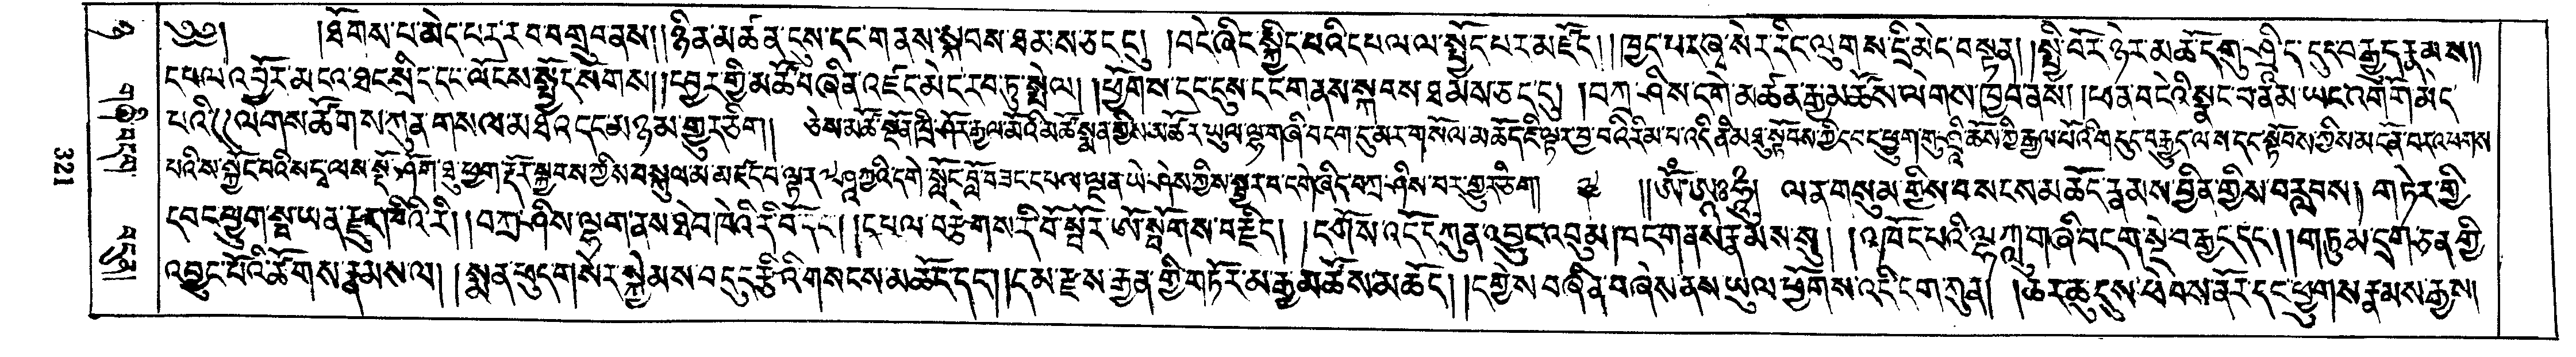༄༅། །ཐོགས་བ་མེད་པར་རབ་འགྲུབ་ནས། །ཉིན་མཚན་དུས་དང་གནས་སྐབས་ཐམས་ཅད་དུ། །བདེ་ཞིང་སྐྱིད་པའི་དཔལ་ལ་སྤྱོད་པར་མཛོད། །ཁྱད་པར་ཞྭ་སེར་རིང་ལུགས་དྲི་མེད་བསྟན། །སྤྱི་བོར་ཉེར་མཆོག་གུ་ཤྲཱི་གདུང་བརྒྱུད་རྣམས། །
དཔལ་འབྱོར་མངའ་ཐང་སྲིད་དང་ལོངས་སྤྱོད་སོགས། །དབྱར་གྱི་མཚོ་བཞིན་འཛད་མེད་རབ་ཏུ་སྤེལ། །ཕྱོགས་དང་དུས་དང་གནས་སྐབས་ཐམས་ཅད་དུ། །བཀྲ་ཤིས་དགེ་མཚན་རྒྱ་མཚོས་ལེགས་ཁྱབ་ནས། །ཕན་བདེའི་སྣང་བ་ནམ་ཡང་འགོག་མེད་
པའི༑ ༑ལེགས་ཚོགས་ཀུན་གསལ་མཐའ་དང་མཉམ་གྱུར་ཅིག། ཅེས་མཚོ་སྔོན་ཁྲི་ཤོར་རྒྱལ་མོའི་མཚོ་སྨན་གྱིས་མཚོན་ཡུལ་ལྷ་གཞི་བདག་དུ་མར་གསོལ་མཆོད་ཇི་ལྟར་བྱ་བའི་རིམ་པ་འདི་ནི་མཐུ་སྟོབས་ཀྱི་དབང་ཕྱུག་གུ་ཤྲཱི་ཆོས་ཀྱི་རྒྱལ་པོའི་གདུང་བརྒྱུད་ལས་དད་སྟོབས་ཀྱིས་མངོན་བར་འཕགས་
པའི་ས་སྐྱོང་པའི་སེ་དྭ་ལས་སO་ཤོག་ཐུ་ཕྱག་རྡོར་སྐྱབས་ཀྱིས་བསྐུལ་མ་མཛད་པ་ལྟར་ཤའྐྱའི་དགེ་སློང་བློ་བཟང་དཔལ་ལྡན་ཡེ་ཤེས་ཀྱིས་སྦྱར་བ་དགེ་ཞིང་བཀྲ་ཤིས་པར་གྱུར་ཅིག། ༈ །།ཨོཾ་ཨཱཿ ཧཱུཾ། ལན་གསུམ་གྱིས་བསངས་མཆོད་རྣམས་བྱིན་གྱིས་བརླབས། གཏེར་གྱི་
དབང་ཕྱུག་སྦ་ཡན་རྫུར་ཁིའི་རི། །བཀྲ་ཤིས་ལྷ་གནས་ཐེབ་ཁེའི་རི་བོ་དང་། །དཔལ་བརྩེགས་རི་བོ་སྦོ་རོ་ཨོ་སྦོགས་བརྗིད། །དགོས་འདོད་ཀུན་འབྱུང་འབུམ་ཁང་གནས་རྣམས་སུ། །འཁོད་པའི་ལྷ་ཀླུ་གཞི་བདག་སྡེ་བརྒྱད་དང་། །གཏུམ་དྲག་ཅན་གྱི་
འབྱུང་པོའི་ཚོགས་རྣམས་ལ། །སྨན་ཕུད་གསེར་སྐྱེམས་བདུད་རྩིའི་བསངས་མཆོད་དང་། །དམ་རྫས་རྒྱན་གྱི་གཏོར་མ་རྒྱ་མཚོའི་མཆོད། །དགྱེས་བཞིན་བཞེས་ནས་ཡུལ་ཕྱོགས་འདི་དག་ཀུན། །ཆར་ཆུ་ངུས་ཕེབས་ནོར་དང་ཕྱུགས་རྣམས་རྒྱས།།